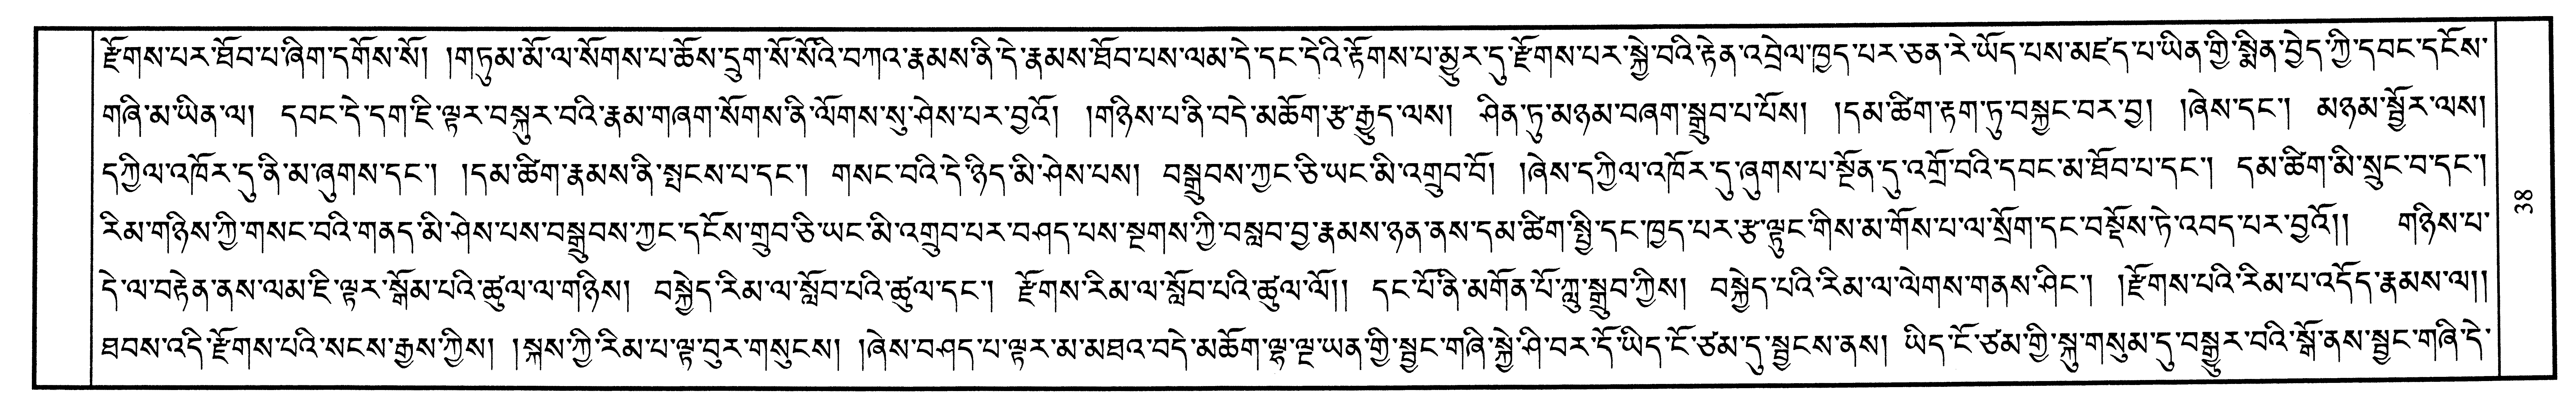རྫོགས་པར་ཐོབ་པ་ཞིག་དགོས་སོ། །གཏུམ་མོ་ལ་སོགས་པ་ཆོས་དྲུག་སོ་སོའི་བཀའ་རྣམས་ནི་དེ་རྣམས་ཐོབ་པས་ལམ་དེ་དང་དེའི་རྟོགས་པ་མྱུར་དུ་རྫོགས་པར་སྐྱེ་བའི་རྟེན་འབྲེལ་ཁྱད་པར་ཅན་རེ་ཡོད་པས་མཛད་པ་ཡིན་གྱི་སྨིན་བྱེད་ཀྱི་དབང་དངོས་
གཞི་མ་ཡིན་ལ། དབང་དེ་དག་ཇི་ལྟར་བསྐུར་བའི་རྣམ་གཞག་སོགས་ནི་ལོགས་སུ་ཤེས་པར་བྱའོ། །གཉིས་པ་ནི་བདེ་མཆོག་རྩ་རྒྱུད་ལས། ཤིན་ཏུ་མཉམ་བཞག་སྒྲུབ་པ་པོས། །དམ་ཚིག་རྟག་ཏུ་བསྐྱང་བར་བྱ། །ཞེས་དང་། མཉམ་སྦྱོར་ལས།
དཀྱིལ་འཁོར་དུ་ནི་མ་ཞུགས་དང་། །དམ་ཚིག་རྣམས་ནི་སྤངས་པ་དང་། གསང་བའི་དེ་ཉིད་མི་ཤེས་པས། བསྒྲུབས་ཀྱང་ཅི་ཡང་མི་འགྲུབ་བོ། །ཞེས་དཀྱིལ་འཁོར་དུ་ཞུགས་པ་སྔོན་དུ་འགྲོ་བའི་དབང་མ་ཐོབ་པ་དང་། དམ་ཚིག་མི་སྲུང་བ་དང་།
རིམ་གཉིས་ཀྱི་གསང་བའི་གནད་མི་ཤེས་པས་བསྒྲུབས་ཀྱང་དངོས་གྲུབ་ཅི་ཡང་མི་འགྲུབ་པར་བཤད་པས་སྔགས་ཀྱི་བསླབ་བྱ་རྣམས་ཉན་ནས་དམ་ཚིག་སྤྱི་དང་ཁྱད་པར་རྩ་ལྟུང་གིས་མ་གོས་པ་ལ་སྲོག་དང་བསྡོས་ཏེ་འབད་པར་བྱའོ།། གཉིས་པ་
དེ་ལ་བརྟེན་ནས་ལམ་ཇི་ལྟར་སྒོམ་པའི་ཚུལ་ལ་གཉིས། བསྐྱེད་རིམ་ལ་སློབ་པའི་ཚུལ་དང་། རྫོགས་རིམ་ལ་སློབ་པའི་ཚུལ་ལོ།། དང་པོ་ནི་མགོན་པོ་ཀླུ་སྒྲུབ་ཀྱིས། བསྐྱེད་པའི་རིམ་ལ་ལེགས་གནས་ཤིང་། །རྫོགས་པའི་རིམ་པ་འདོད་རྣམས་ལ།།
ཐབས་འདི་རྫོགས་པའི་སངས་རྒྱས་ཀྱིས། །སྐས་ཀྱི་རིམ་པ་ལྟ་བུར་གསུངས། །ཞེས་བཤད་པ་ལྟར་མ་མཐའ་བདེ་མཆོག་ལྷ་ལྔ་ཡན་གྱི་སྦྱང་གཞི་སྐྱེ་ཤི་བར་དོ་ཡིད་ངོ་ཙམ་དུ་སྦྱངས་ནས། ཡིད་ངོ་ཙམ་གྱི་སྐུ་གསུམ་དུ་བསྒྱུར་བའི་སྒོ་ནས་སྦྱང་གཞི་དེ་